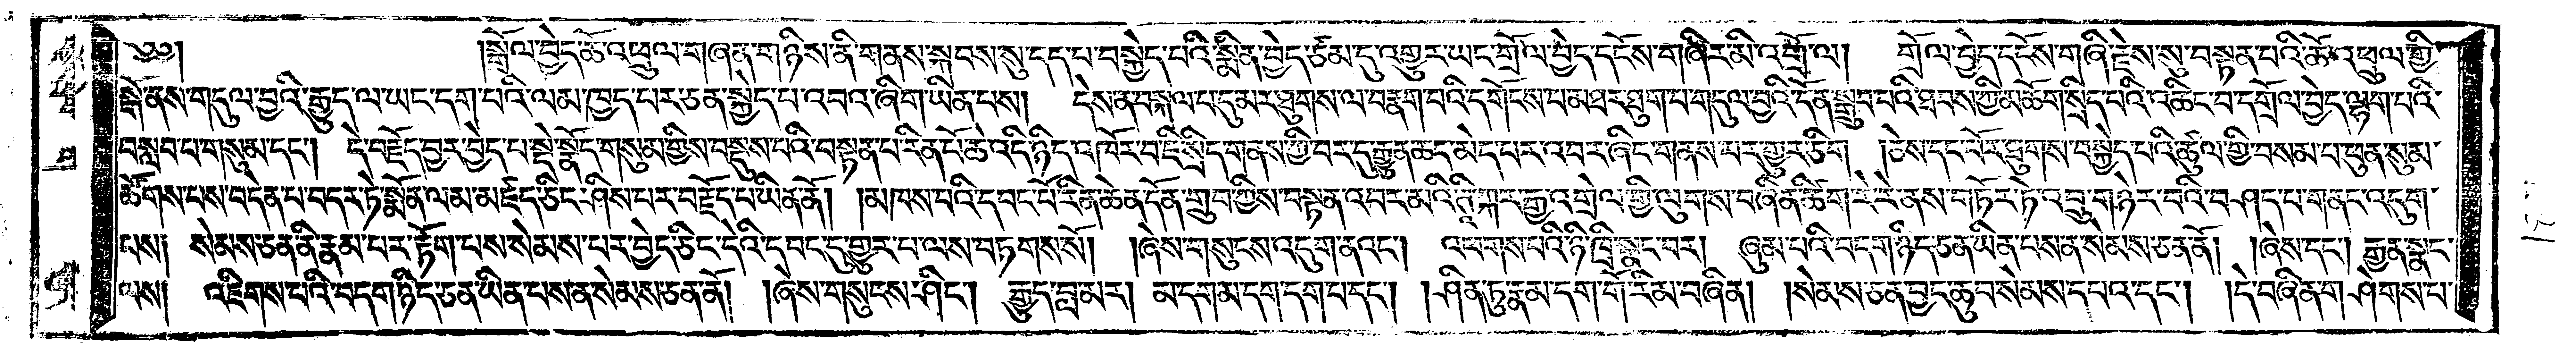༄༅། །སྒྲོལ་བྱེད་ཆོ་འཕྲུལ་གཞན་གཉིས་ནི་གནས་སྐབས་སུ་དད་པ་བསྐྱེད་པའི་སྨིན་བྱེད་ཙམ་དུ་འགྱུར་ཡང་གྲོལ་བྱེད་དངོས་གཞིར་མི་འགྲོ་ལ། གྲོལ་བྱེད་དངོས་གཞི་རྗེས་སུ་བསྟན་པའི་ཆོ་འཕྲུལ་གྱི་
སྒོ་ནས་གདུལ་བྱའི་རྒྱུད་ལ་ཡང་དག་པའི་ལམ་ཁྱད་པར་ཅན་སྐྱེད་པ་འབའ་ཞིག་ཡིན་པས། དེས་ན་བསྐལ་པ་དུ་མར་ཐུགས་ལ་བརྣག་པའི་དགོངས་པ་མཐར་ཐུག་པ་གདུལ་བྱའི་དོན་སྒྲུབ་པའི་ཐབས་ཀྱི་མཆོག་སྲིད་པའི་འཆིང་བ་དགྲོལ་བྱེད་ལྷག་པའི་
བསླབ་པ་གསུམ་དང་། དེ་བརྗོད་བྱར་བྱེད་པ་སྡེ་སྣོད་གསུམ་གྱིས་བསྡུས་པའི་བསྟན་པ་རིན་པོ་ཆེ་འདི་ཉིད་འཁོར་བ་ཇི་སྲིད་གནས་ཀྱི་བར་དུ་རྒྱུན་ཆད་མེད་པར་འབར་ཞིང་གནས་པར་གྱུར་ཅིག །ཅེས་དང་པོར་ཐུགས་བསྐྱེད་པའི་ཚུལ་གྱི་བསམ་པ་ཕུན་སུམ་
ཚོགས་པས་བདེན་པ་བདར་ཏེ་སྨོན་ལམ་མཛད་ཅིང་ཤིས་པར་བརྗོད་པ་ཡིན་ནོ། །མཁས་པའི་དབང་པོ་རིན་ཆེན་དོན་གྲུབ་ཀྱིས་བསྟན་འབར་མའི་ཊཱིཀྐར་རྒྱ་འགྲེལ་གྱི་ལུགས་བཞིན་ཚིག་རེ་རེ་ནས་གཏོར་ཏེ་འབྲུ་གཉེར་བའི་བཤད་པ་གནང་འདུག་
པས། སེམས་ཅན་ནི་རྣམ་པར་རྟོག་པས་སེམས་པར་བྱེད་ཅིང་དེའི་དབང་དུ་གྱུར་པ་ལས་བཏགས་སོ། །ཞེས་གསུངས་འདུག་ནའང་། འཕགས་པའི་ཉི་ཁྲི་སྣང་བར། ཞུམ་པའི་བདག་ཉིད་ཅན་ཡིན་པས་ན་སེམས་ཅན་ནོ། །ཞེས་དང་། རྒྱན་སྣང་
ལས། འཇིགས་པའི་བདག་ཉིད་ཅན་ཡིན་པས་ན་སེམས་ཅན་ནོ། །ཞེས་གསུངས་ཤིང་། རྒྱུད་བླ་མར། མ་དག་མ་དག་དག་པ་དང་། །ཤིན་ཏུ་རྣམ་དག་གོ་རིམ་བཞིན། །སེམས་ཅན་བྱང་ཆུབ་སེམས་དཔའ་དང་། །དེ་བཞིན་གཤེགས་པ་